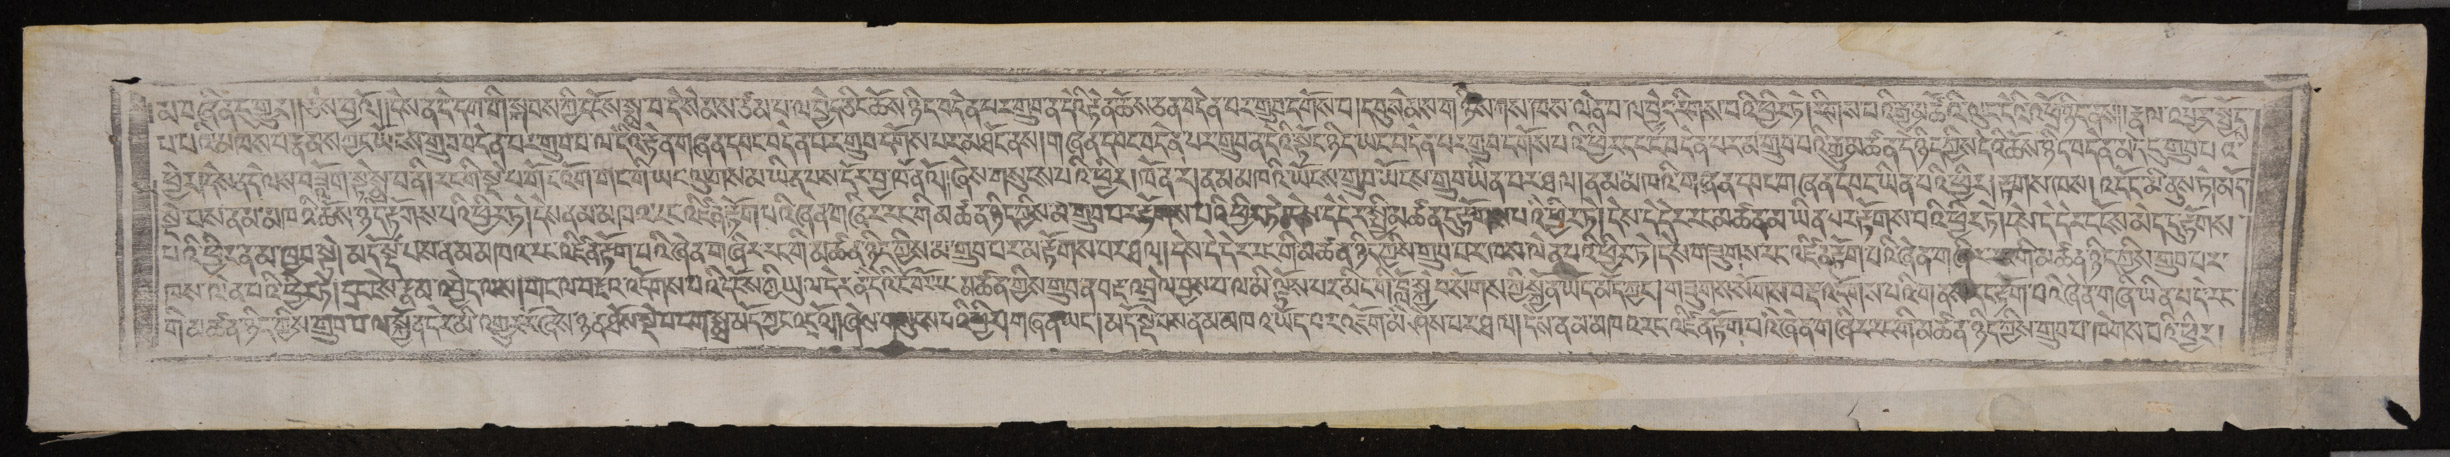མ་བཞིན་དུ་གྱུར། །ཅེས་བྱའོ། །དེས་ན་དེ་དག་གི་སྐབས་ཀྱི་དངོས་སྨྲ་བ་དེ་སེམས་ཙམ་པ་ལ་བྱེད་ཅིང་ཆོས་ཉིད་བདེན་པར་གྲུབ་ན་དེའི་རྟེན་ཆོས་ཅན་བདེན་པར་གྲུབ་དགོས་པ། དབུ་སེམས་གཉིས་ཀས་ཁས་ལེན་པ་ལ་བྱེད་རིགས་པའི་ཕྱིར་ཏེ། རིགས་པའི་རྒྱ་མཚོའི་ལུང་དེའི་འཕྲོ་ཉིད་ནས། །རྣལ་འབྱོར་སྤྱོད་
པ་པའི་མཁས་པ་རྣམས་ཀྱང་ཡོངས་གྲུབ་བདེན་པར་གྲུབ་པ་ལ་དེའི་རྟེན་གཞན་དབང་བདེན་པར་གྲུབ་དགོས་པར་མཐོང་ནས། གཞན་དབང་བདེན་པར་གྲུབ་ན་དེའི་སྟོང་ཉིད་ཡང་བདེན་པར་གྲུབ་དགོས་པའི་ཕྱིར་དང་དེ་བདེན་པར་མ་གྲུབ་པའི་རྒྱུ་མཚན་དེ་ཉིད་ཀྱིས་དེའི་ཆོས་ཉིད་བདེན་མེད་དུ་གྲུབ་པའི་
ཕྱིར། དེས་ན་དེ་ལས་བཟློག་སྟེ་སྨྲ་བ་ནི། རང་གི་སྡེ་པ་གོང་འོག་གང་གི་ཡང་ལུགས་མ་ཡིན་པས་དོར་བྱ་ཁོ་ནའོ། །ཞེས་གསུངས་པའི་ཕྱིར། ཁོ་ན་རེ། ནམ་མཁའི་ཡོངས་གྲུབ་ཡོངས་གྲུབ་ཡིན་པར་ཐལ། ནམ་མཁའི་གཞན་དབང་གཞན་དབང་ཡིན་པའི་ཕྱིར། རྟགས་ཁས། འདོད་མི་ནུས་ཏེ། མདོ་
སྡེ་པས་ནམ་མཁའ་ཆོས་ཉིད་རྟོགས་པའི་ཕྱིར་ཏེ། དེས་ནམ་མཁའ་རང་འཛིན་རྟོག་པའི་ཞེན་གཞིར་རང་གི་མཚན་ཉིད་ཀྱིས་མ་གྲུབ་པར་རྟོགས་པའི་ཕྱིར་ཏེ། དེས་དེ་དེར་སྤྱི་མཚན་དུ་རྟོགས་པའི་ཕྱིར་ཏེ། དས་དེ་དེར་རང་མཚན་མ་ཡིན་པར་རྟོགས་པའི་ཕྱིར་ཏེ། དེས་དེ་དེར་དངོས་མེད་དུ་རྟོགས་
པའི་ཕྱིར་ན་མ་ཁྱབ་སྟེ། མདོ་སྡེ་པས་ནམ་མཁའ་རང་འཛིན་རྟོག་པའི་ཞེན་གཞིར་རང་གི་མཚན་ཉིད་ཀྱིས་མ་གྲུབ་པར་མ་རྟོགས་པར་ཐལ། དེས་དེ་དེར་རང་གི་མཚན་ཉིད་ཀྱིས་གྲུབ་པར་ཁས་ལེན་པའི་ཕྱིར་ཏེ། དེས་གཟུགས་རང་འཛིན་རྟོག་པའི་ཞེན་གཞིར་རང་གི་མཚན་ཉིད་ཀྱིས་གྲུབ་པར་
ཁས་ལེན་པའི་ཕྱིར་ཏེ། དྲང་ངེས་རྣམ་འབྱེད་ལས། གང་ལ་བརྡའ་འདོགས་པའི་དངོས་ཀྱི་ཡུལ་དེར་ནི་དེའི་ངོ་བོ་རང་མཚན་གྱིས་གྲུབ་ན་བརྡ་འབྲེལ་བྱས་པ་ལ་མི་ལྟོས་པར་མིང་གི་བློ་སྐྱེ་བ་སོགས་ཀྱི་སྐྱོན་ཡོད་མོད་ཀྱང་། གཟུགས་སོགས་བརྡ་འདོགས་པའི་གནས་དང་རྟོག་པའི་ཞེན་གཞི་ཡིན་པ་དེ་རང་
གི་མཚན་ཉིད་ཀྱིས་གྲུབ་པ་ལ་སྐྱོན་དེར་མི་འགྱུར་རོ་ཞེས་ཉན་ཐོས་སྡེ་པ་ངག་སྨྲ་མོད་ཀྱང་འདྲའོ། །ཞེས་གསུངས་པའི་ཕྱིར། གཞན་ཡང་། མདོ་སྡེ་པས་ནམ་མཁའ་ཡོད་པར་འཇོག་མི་ཤེས་པར་ཐལ། དེས་ནམ་མཁའ་རང་འཛིན་རྟོག་པའི་ཞེན་གཞིར་རང་གི་མཚན་ཉིད་ཀྱིས་གྲུབ་པ་ཁེགས་པའི་ཕྱིར།